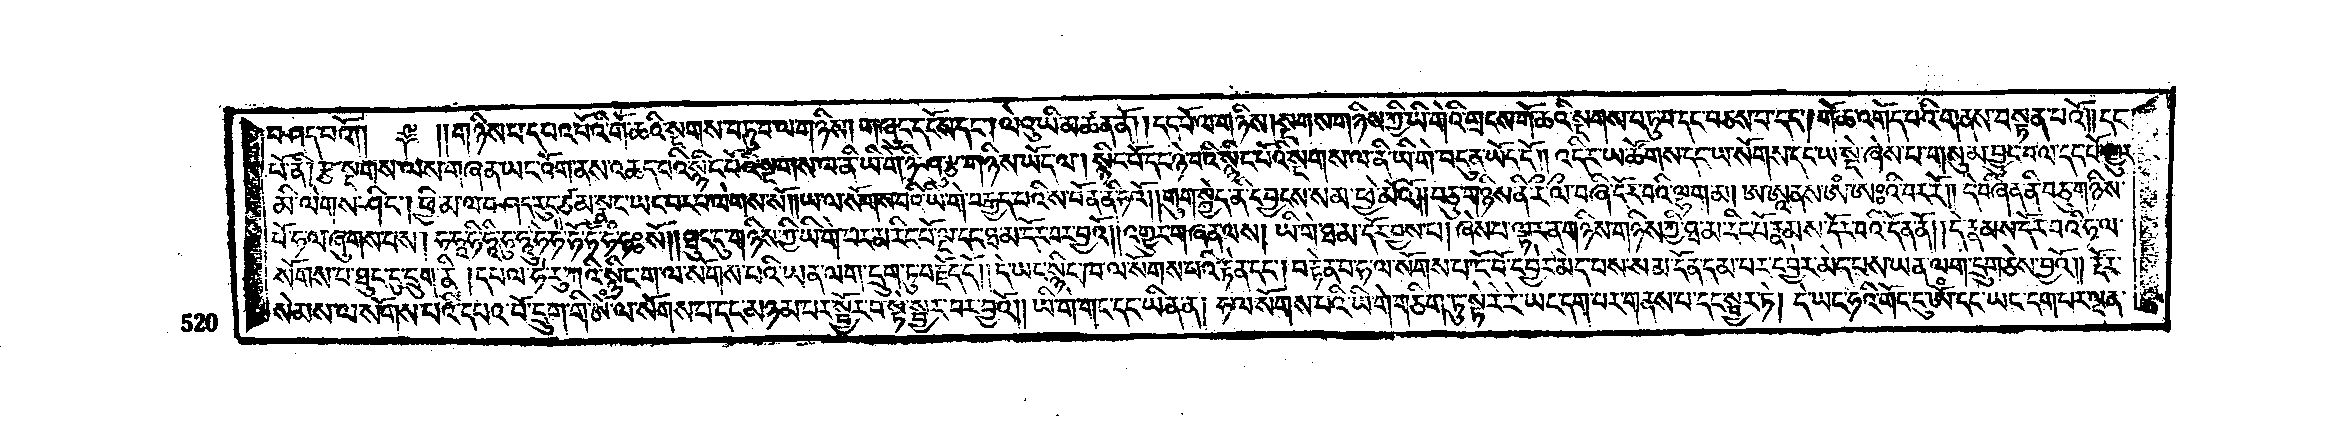བཤད་པའོ།། ༈ །།གཉིས་པ་དཔའ་བོའི་གོ་ཆའི་སྔགས་བཏུ་བ་ལ་གཉིས། གཞུང་དངོས་དང་། ལེའུ་ཡི་མཚན་ནོ། །དང་པོ་ལ་གཉིས། སྔགས་གཉིས་ཀྱི་ཡི་གེའི་གྲངས་གོ་ཆའི་སྔགས་བཏུ་བ་དང་བཅས་པ་དང་། གོ་ཆ་འགོད་པའི་གནས་བསྟན་པའོ། །དང་
པོ་ནི། རྩ་སྔགས་ལས་གཞན་ཡང་འོག་ནས་འཆད་པའི་སྙིང་པོའི་སྔགས་ལ་ནི་ཡི་གེ་ཉི་ཤུ་རྩ་གཉིས་ཡོད་ལ། སྙིང་པོ་དང་ཉེ་བའི་སྙིང་པོའི་སྔགས་ལ་ནི་ཡི་གེ་བདུན་ཡོད་དོ། །འདིར་ཡ་ཚོགས་དང་ཡ་སོགས་དང་ཡ་སྡེ་ཞེས་པ་གསུམ་བྱུང་བ་ལ་དང་པོ་འགྱུར་
མི་ལེགས་ཤིང་། ཕྱི་མ་ལ་བཤད་རུང་ཙམ་སྣང་ཡང་བར་པ་ལེགས་སོ། །ཡ་ལ་སོགས་པའི་ཡི་གེ་བརྒྱད་པའི་ས་བོན་ནི་ཧའོ། །གུག་སྐྱེད་ནི་དབྱངས་སམ་ཕྱི་མོའོ། །བཅུ་གཉིས་ནི་རྀ་ལྀ་བཞི་དོར་བའི་ལྷག་མ། ཨ་ཨཱ་ནས་ཨཾ་ཨཿ འི་བར་རོ། །དེ་བཞིན་ནི་བཅུ་གཉིས་
པོ་ཧ་ལ་ཞུགས་པས། ཧ་ཧཱ་ཧི་ཧཱི་ཧུ་ཧཱུ་ཧེ་ཧེ་ཧོ་ཧཽ་ཧཾ་ཧཿ སོ། །ཐུང་ངུ་གཉིས་ཀྱི་ཡི་གེ་པར་མ་རིང་པོ་ལྔ་དང་ཐ་མ་དོར་བར་བྱའོ། །འགྱུར་གཞན་ལས། ཡི་གེ་ཐ་མ་དོར་བྱས་པ། ཞེས་པ་ལྟར་ན་གཉིས་གཉིས་ཀྱི་ཐ་མ་རིང་པོ་རྣམས་དོར་བའི་དོན་ནོ། །དེ་རྣམས་དོར་བའི་ཧ་ལ་
སོགས་པ་ཐུང་ངུ་དྲུག་ན། དཔལ་ཧེ་རུ་ཀའི་སྙིང་ག་ལ་སོགས་པའི་ཡན་ལག་དྲུག་ཏུ་བརྗོད་དོ། །དེ་ཡང་སྙིང་ཁ་ལ་སོགས་པའི་རྟེན་དང་། བརྟེན་པ་ཧ་ལ་སོགས་པ་ངོ་བོ་དབྱེར་མེད་པས་སམ་དོན་དམ་པར་དབྱེར་མེད་པས་ཡན་ལག་དྲུག་ཅེས་བྱའོ། །རྡོར་
སེམས་ལ་སོགས་པའི་དཔའ་བོ་དྲུག་གི་ཨོཾ་ལ་སོགས་པ་དང་མཉམ་པར་སྦྱོར་བ་སྟེ་སྦྱར་བར་བྱའོ། །ཡི་གེ་གང་དང་ཡིན་ན། ཧ་ལ་སོགས་པའི་ཡི་གེ་གཅིག་ཏུ་སྟེ་རེ་རེ་ཡང་དག་པར་གནས་པ་དང་སྦྱར་ཏེ། དེ་ཡང་ཧའི་གོང་དུ་ཨོཾ་དང་ཡང་དག་པར་ལྡན་